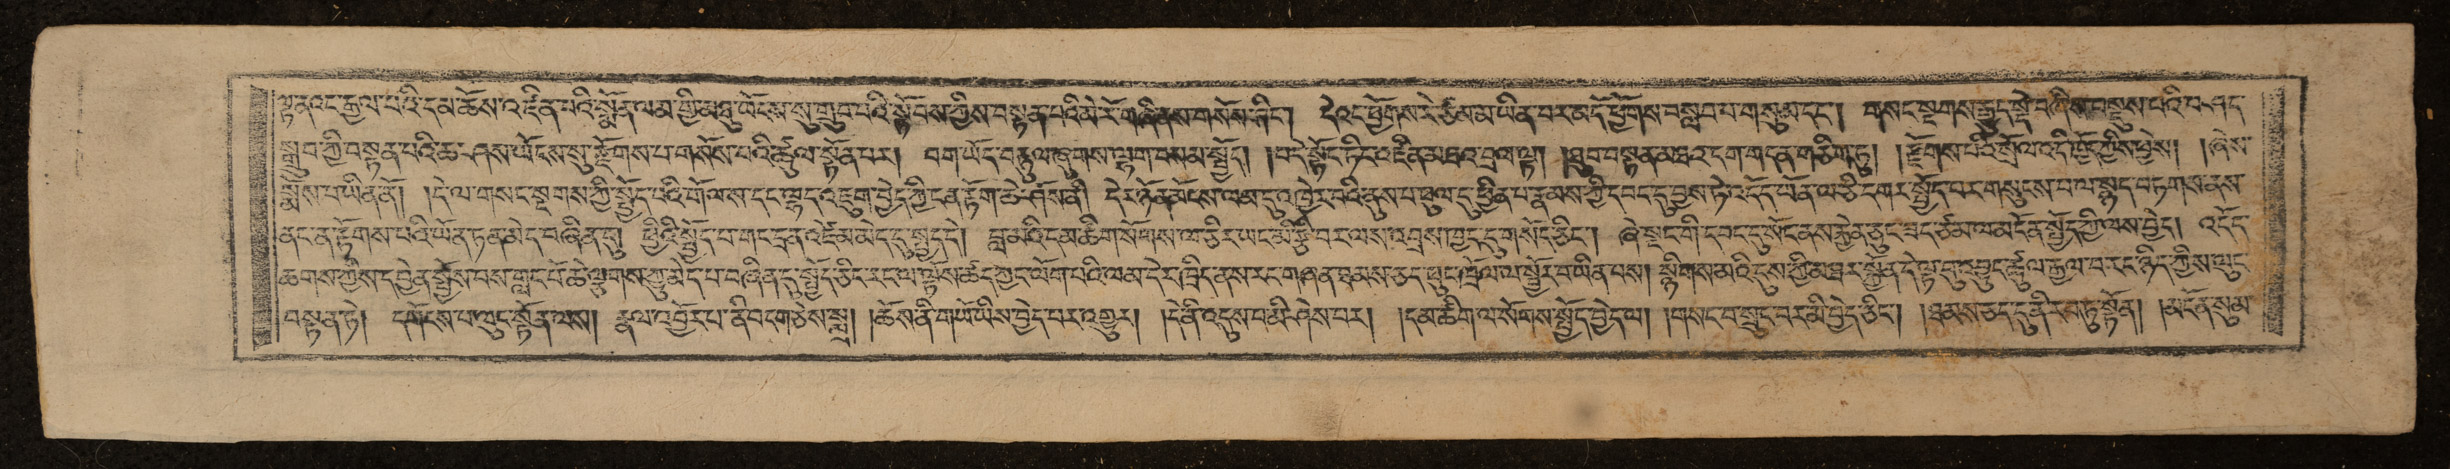ལྟ་ནའང་རྒྱལ་བའི་དམ་ཆོས་འཛིན་པའི་སྨོན་ལམ་གྱི་མཐུ་ཡོངས་སུ་གྲུབ་པའི་སྟོབས་ཀྱིས་བསྟན་པའི་མེ་རོ་གཞི་ནས་གསོས་ཤིང་། དེའང་ཕྱོགས་རེ་ཙམ་མ་ཡིན་བར་མདོ་ཕྱོགས་བསླབ་པ་གསུམ་དང་། གསང་སྔགས་རྒྱུད་སྡེ་པ་ཞིས་བསྡུས་པའི་བཤད་
སྒྲུབ་ཀྱི་བསྟན་བའི་ཆ་ཤས་ཡོངས་སུ་རྫོགས་པ་གསོས་པའི་ཚུལ་སྟོན་པར། བག་ཡོད་བརྟུལ་ཞུགས་ལྷག་བསམ་སྤྱོད། །བདེ་སྟོང་ཏིང་འཛིན་མཐའ་བྲལ་ལྟ། །ཐུབ་བསྟན་མཐའ་དས་གདན་གཅིག་ཏུ། །རྫོགས་པའི་སྲོལ་འདི་ཁྱོད་ཀྱིས་ཕྱེས། །ཞེས་
སྨོས་པ་ཡིན་ནོ། །དེ་ལ་གསང་སྔགས་ཀྱི་སྤྱོད་པའི་གོ་ལས་དང་ལྷད་འཇུག་བྱེད་ཀྱི་ངན་རྟོག་ཆེ་ཤོས་ནི། དེར་ཉོན་མོངས་ལམ་དུ་འཁྱེར་བའི་ནུས་པ་ཕུལ་དུ་ཕྱིན་པ་རྣམས་ཀྱི་དབང་དུ་བྱས་ཏེ་འདོད་ཡོན་ལ་ཅི་དགའ་སྤྱོད་པར་གསུངས་པ་ལ་སྙད་བཏགས་ནས་
ནང་ན་རྟོགས་པའི་ཡོན་ཏན་མེད་བཞིན་དུ། ཕྱིའི་སྦྱོད་པ་གང་དྲ་མ་འཛེམ་མེད་དུ་སྦྱད་དེ། བླ་མའི་དམ་ཚིག་སོགས་ལ་ཅིར་ཡང་མི་རྩི་བར་ལས་འབྲས་ཁྱད་དུ་གསོད་ཅིང་། ཞེས་སྡང་གི་དབང་དུ་སོང་ནས་རྐྱེན་ཅུང་ཟད་ཙམ་ལ་མངོན་སྤྱོད་ཀྱི་ལས་བྱེད། འདོད་
ཆགས་ཀྱིས་དཔྱེ་ན་སྦྱོས་བས་གླང་པོ་ཆེ་ལྕགས་ཀྱུ་མེད་པ་བཞིན་དུ་སྐྱོད་ཅིང་རང་ལ་ལྟོས་ཚད་ཀྱང་ཡོག་པའི་ལམ་དེར་ཁྲིད་ནས་དང་གཞན་ཐམས་ཅད་ཕུང་ཁྲོལ་ལ་སྦྱོར་བ་ཡིན་པས། སྙིགས་མའི་དུས་ཀྱི་མཐར་སྐྱོན་དེ་ལྟ་བུ་འབྱུང་ཚུལ་རྒྱལ་དབང་ཉིད་ཀྱིས་ལུང་
བསྟན་ཏེ། དགོངས་ལུང་སྟོན་ལས། རྣལ་འབྱོར་པ་ནི་བདག་ཅེས་སྨྲ། །ཆོས་ནི་གཡོ་ཡིས་བྱེད་པར་གྱུར། །དེ་ནི་འདུས་པ་མི་ཤིས་པར། །དམ་ཚིག་ལ་སོགས་སྤྱོད་བྱེད་པར། །དམ་ཚིག་ལ་སོགས་སྤྱོད་བྱེད་ལ། །གསར་བ་སྲུང་བར་མི་བྱེད་ཅིང་། །ཐམས་ཅད་དུ་ནི་རབ་ཏུ་སྟོན། །མངོན་སུམ་